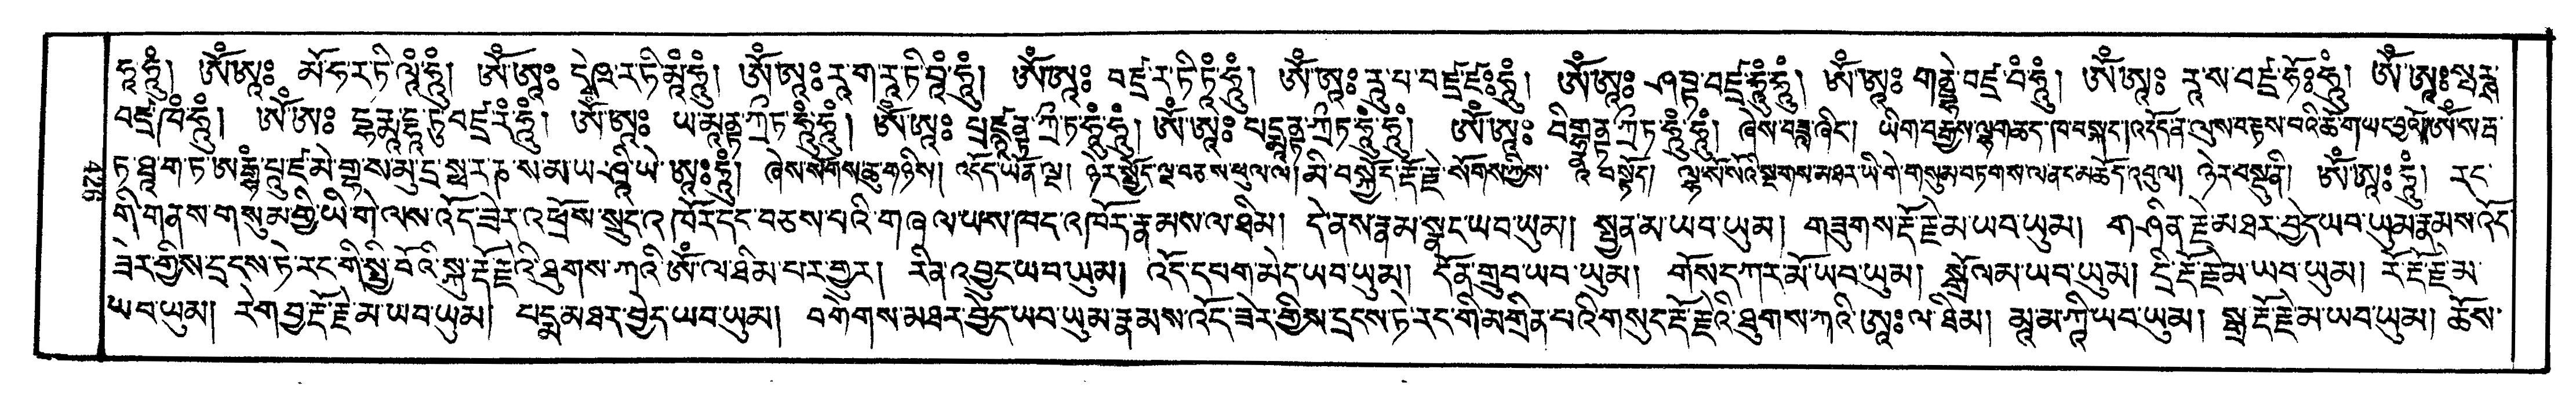ཧཱ་ཧཱུཾ། ཨོཾ་ཨཱ་ཨཾ་མོ་ཧ་ར་ཏི་ལཾ་ཧཱུཾ། ཨོཾ་ཨཱཿ དྭེ་ཥ་ར་ཏི་མཱཾ་ཧཱུཾ། ཨོཾ་ཨཱཿ རཱ་ག་རཱ་ཏི་པའཾ་ཧཱུཾ། ཨོཾ་ཨཱཿ བཛྲ་ར་ཏི་ཏཱཾ་ཧཱུཾ། ཨོཾ་ཨཱ༑ རཱུ་བ་བཛྲ་ཛཿ ཧཱུཾ། ཨོཾ་ཨཱཿ ཤཔྟ་བཛྲ་ཧཱུཾ་ཧཱུཾ། ཨོཾ་ཨཱཿ གནྡྷེ་བཛྲ་བཾ་ཧཱུཾ། ཨོཾ་ཨཱཿ རཱ་ས་བཛྲ་ཧོཿ ཧཱུཾ། ཨོཾ་ཨཱཿ སཔྲྴ་
བཛྲ་ཁཾ་ཧཱུཾ། ཨོཾ་ཨཱཿ དྷརྨཱ་དྷཱ་ཏུ་བཛྲ་རཾ་ཧཱུཾ། ཨོཾ་ཨཱཿ ཡ་མཱནྟ་ཀྲྀ་ཏ་ཧཱུཾ་ཧཱུཾ། ཨོཾ་ཨཱཿ པྲཛྙཱནྟ་ཀྲྀ་ཏ་ཧཱུཾ་ཧཱུཾ་ཨོཾ་ཨཱཿ པདམཱནྟ་ཀྲྀཏ་ཧཱུཾ་ཧཱུཾ། ཨོཾ་ཨཱཿ བིགྷྣཱནྟ་ཀྲྀ་ཏ་ཧཱུཾ་ཧཱུཾ། ཞེས་བཟླ་ཞིང་། ཡིག་བརྒྱས་ལྷག་ཆད་ཁ་བསྐང་།འདོད་ན་ལུས་བརྟས་པའི་ཆོ་ག་ཡང་བྱའོ། ཨོཾ་སརྦ་
ཏ་ཐཱ་ག་ཏ་ཨ་རྒྷཾ་པཱུ་ཛ་མེ་གྷ་ས་མུ་དྲ་སྥ་ར་ཎ་ས་མ་ཡ་ཤྲཱི་ཡེ་ཨཱཿ ཧཱུཾ། ཞེས་སོགས་ཆུ་གཉིས། འདོང་ཡོན་ལྔ། ཉེར་སྤྱོད་ལྔ་བཅས་ཕུལ་ལ། མི་བསྐྱོད་རྡོ་རྗེ་སོགས་ཀྱིས་བསྟོད། ལྷ་སོ་སོའི་སྔགས་མཐར་ཡི་གེ་གསུམ་བཏགས་ལ་ནང་མཆོད་འབུལ། ཉེར་བསྡུ་ནི། ཨོཾ་ཨཱཿ ཧཱུཾ། རང་
གི་གནས་གསུམ་གྱི་ཡི་གེ་ལས་འོད་ཟེར་འཕྲོས་སྲུང་འཁོར་དང་བཅས་པའི་གཞལ་ཡས་ཁང་འཁོར་རྣམས་ལ་ཐིམ། དེ་ནས་རྣམ་སྣང་ཡབ་ཡུམ། སྤྱན་མ་ཡབ་ཡུམ། གཟུགས་རྡོ་རྗེ་མ་ཡབ་ཡུམ། གཤིན་རྗེ་མཐར་བྱེད་ཡབ་ཡུམ་རྣམས་འོད་
ཟེར་གྱིས་དྲངས་ཏེ་རང་གི་སྤྱི་བོའི་སྐུ་རྡོ་རྗེའི་ཐུགས་ཀའི་ཨོཾ་ལ་ཐིམ་པར་གྱུར། རིན་འབྱུང་ཡབ་ཡུམ། འོད་དཔག་མེད་ཡབ་ཡུམ། དོན་གྲུབ་ཡབ་ཡུམ། གོས་དཀར་མོ་ཡབ་ཡུམ། སྒྲོལ་མ་ཡབ་ཡུམ། དྲི་རྡོ་རྗེ་མ་ཡབ་ཡུམ། རོ་རྡོ་རྗེ་མ་
ཡབ་ཡུམ། རེག་བྱ་རྡོ་རྗེ་མ་ཡབ་ཡུམ། པདམ་མཐར་བྱེད་ཡབ་ཡུམ། བགེགས་མཐར་བྱེད་ཡབ་ཡུམ་རྣམས་འོད་ཟེར་གྱིས་དྲངས་ཏེ་རང་གི་མགྲིན་པའི་གསུང་རྡོ་རྗེའི་ཐུགས་ཀའི་ཨཱཿ ལ་ཐིམ། མཱ་མ་ཀཱི་ཡབ་ཡུམ། སྒྲ་རྡོ་རྗེ་མ་ཡབ་ཡུམ། ཆོས་